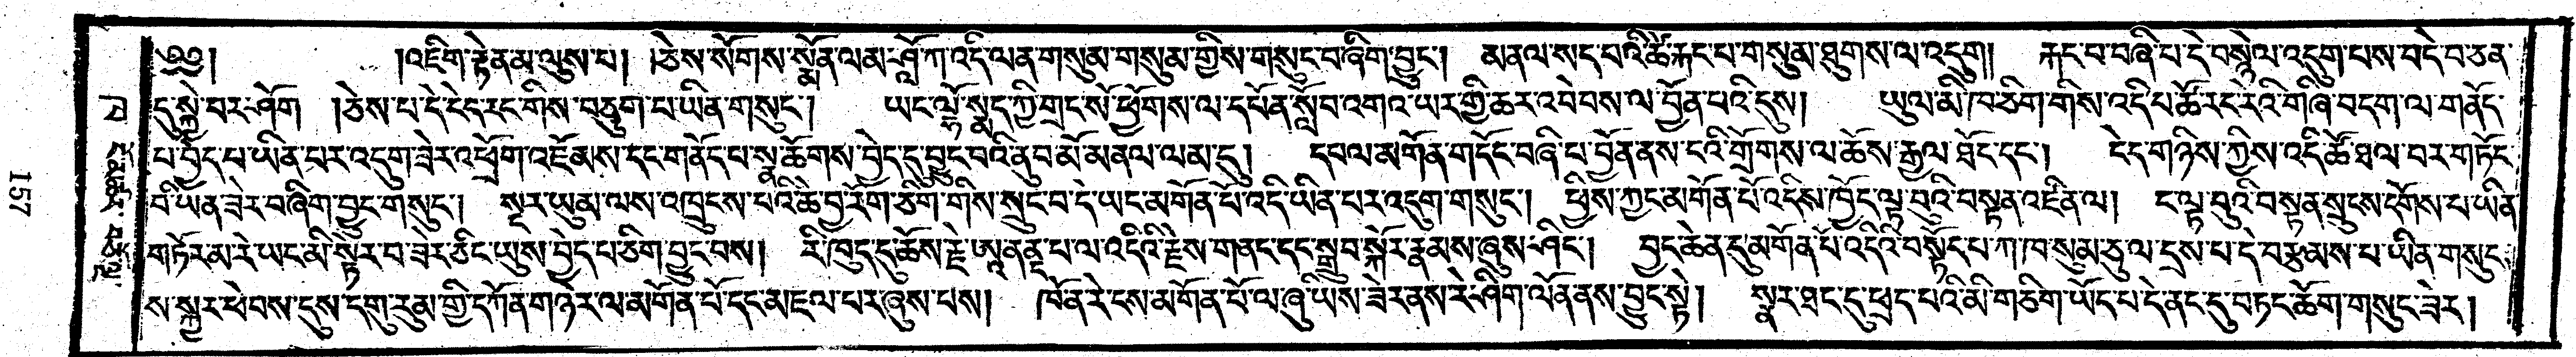༄༅། །འཇིག་རྟེན་མ་ལུས་པ། །ཅེས་སོགས་སྨོན་ལམ་ཤློ་ཀ་འདི་ལན་གསུམ་གསུམ་གྱིས་གསུང་བ་ཞིག་བྱུང་། མནལ་སད་བའི་ཚེ་རྐང་པ་གསུམ་ཐུགས་ལ་འདུག། རྐང་བཞི་པ་དེ་བསྙེལ་འདུག་པས་བདེ་བ་ཅན་
དུ་སྐྱེ་བར་ཤོག །ཅེས་པ་དེ་ངེད་རང་གིས་བཅུག་པ་ཡིན་གསུང་། ཡང་ལྷོ་སྨད་ཀྱི་གྲང་སོ་ཕྱོགས་ལ་དཔོན་སློབ་འགའ་ཡར་གྱི་ཆར་འབེབས་ལ་བྱོན་པའི་དུས། ཡུལ་མི་ཁ་ཅིག་གིས་འདི་པ་ཚོ་རང་རེའི་གཞི་བདག་ལ་གནོད་
པ་བྱེད་པ་ཡིན་པར་འདུག་ཟེར་འཕྲོག་འཇོམས་དང་གནོད་པ་སྣ་ཆོགས་བྱེད་དུ་བྱུང་བའི་ནུབ་མོ་མནལ་ལམ་དུ། དཔལ་མགོན་གདོང་བཞི་པ་བྱོན་ནས་ངའི་གྲོགས་ལ་ཆོས་རྒྱལ་ཐོང་དང་། ངེད་གཉིས་ཀྱིས་འདི་ཚོ་ཐལ་བར་གཏོང་
བ་ཡིན་ཟེར་བ་ཞིག་བྱུང་གསུང་། སྔར་ཡུམ་ལས་འཁྲུངས་པའི་ཆེ་བྱ་རོག་ཅིག་གིས་སྲུང་བ་དེ་ཡང་མགོན་པོ་འདི་ཡིན་པར་འདུག་གསུང་། ཕྱིས་ཀྱང་མགོན་པོ་འདིས་ཁྱོད་ལྟ་བུའི་བསྟན་འཛིན་ལ། ང་ལྟ་བུའི་བསྟན་སྲུངས་དགོས་པ་ཡིན་
གཏོར་མ་རེ་ཡང་མི་སྟེར་བ་ཟེར་ཅིང་ཡུས་བྱེད་པ་ཅིག་བྱུང་བས། རི་ཁུད་དུ་ཆོས་རྗེ་ཨཱ་ནནྡ་པ་ལ་འདིའི་རྗེས་གནང་དང་སྒྲུབ་སྐོར་རྣམས་ཞུས་ཤིང་། བྱང་ཆེན་དུ་མགོན་པོ་འདིའི་བསྟོད་པ་ཀ་ཁ་སུམ་ཅུ་ལ་དྲས་པ་དེ་བརྩམས་པ་ཡིན་གསུང་
ས་སྐྱར་ཕེབས་དུས་དགུ་རུམ་གྱི་དཀོན་གཉེར་ལ་མགོན་པོ་དང་མཇལ་པར་ཞུས་པས། ཁོ་ན་རེ་ངས་མགོན་པོ་ལ་ཞུ་ཡིས་ཟེར་ནས་རེ་ཤིག་ལོན་ནས་བྱུང་སྟེ། སྣར་ཐང་དུ་ཕྲད་པའི་མི་གཅིག་ཡོང་པ་དེ་ནང་དུ་བཏང་ཆོག་གསུང་ཟེར།